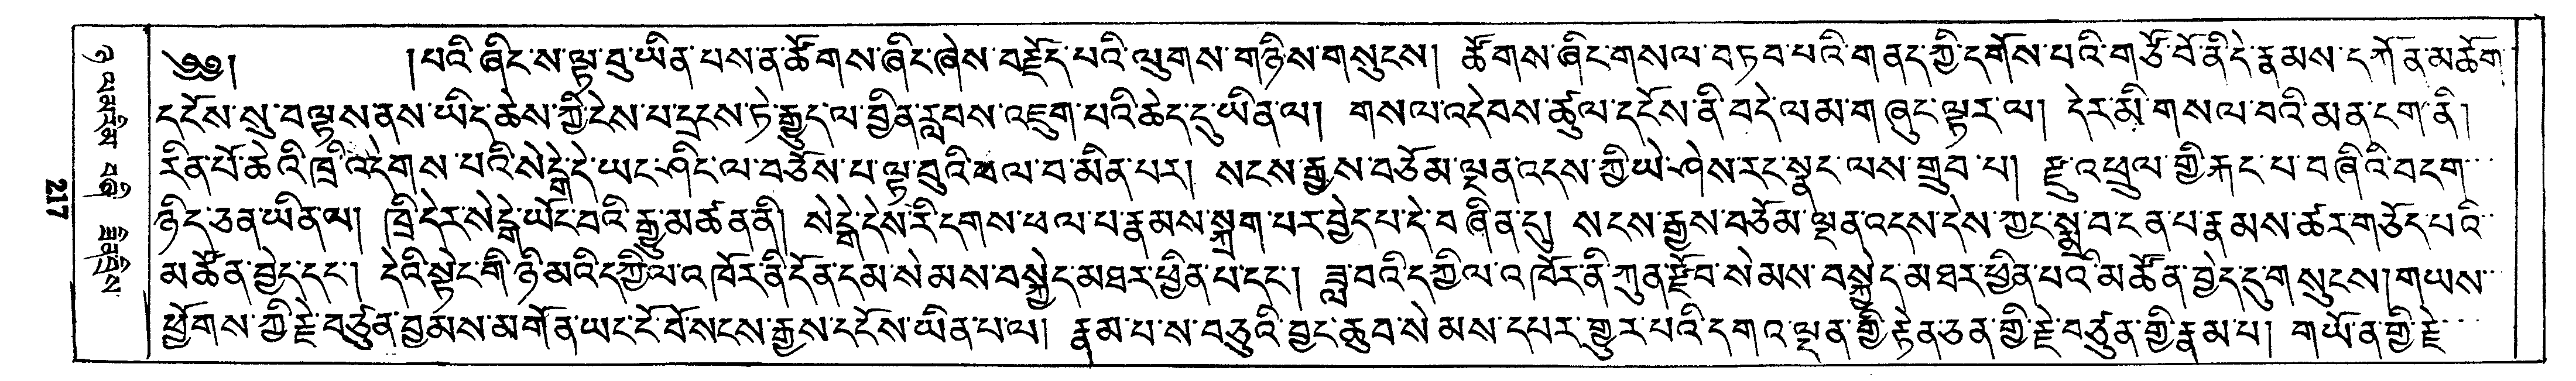༄༅། །བའི་ཞིང་ས་ལྟ་བུ་ཡིན་པས་ན་ཚོགས་ཞིང་ཞེས་བརྗོད་པའི་ལུགས་གཉིས་གསུངས། ཚོགས་ཞིང་གསལ་བཏབ་པའི་གནད་ཀྱི་དགོས་པའི་གཙོ་བོ་ནི་དེ་རྣམས་དཀོན་མཆོག་
དངོས་སུ་བལྟས་ནས་ཡིད་ཆེས་ཀྱི་ངེས་པ་དྲངས་ཏེ་རྒྱུད་ལ་བྱིན་རླབས་འཇུག་པའི་ཆེད་དུ་ཡིན་ལ། གསལ་འདེབས་ཚུལ་དངོས་ནི་བདེ་ལམ་གཞུང་ལྟར་ལ། དེར་མི་གསལ་བའི་མན་ངག་ནི།
རིན་པོ་ཆེའི་ཁྲི་འདེགས་པའི་སེངྒེ་དེ་ཡང་ཤིང་ལ་བཅོས་པ་ལྟ་བུའི་ཕལ་པ་མིན་པར། སངས་རྒྱས་བཅོམ་ལྡན་འདས་ཀྱི་ཡེ་ཤེས་རང་སྣང་ལས་གྲུབ་པ། རྫུ་འཕྲུལ་གྱི་རྐང་པ་བཞིའི་བདག་
ཉིད་ཅན་ཡིན་པ། ཁྲི་དེར་སེངྒེ་ཡོད་བའི་རྒྱུ་མཚན་ནི། སེངྒེ་དེས་རི་དྭགས་ཕལ་པ་རྣམས་སྐྲག་པར་བྱེད་པ་དེ་བཞིན་དུ། །སངས་རྒྱས་བཅོམ་ལྡན་འདས་དེས་ཀྱང་སྨྲ་བ་ངན་པ་རྣམས་ཚར་གཅོད་པའི་
མཚོན་བྱེད་དང་། དེའི་སྟེང་གི་ཉི་མའི་དཀྱིལ་འཁོར་ནི་དོན་དམ་སེམས་བསྐྱེད་མཐར་ཕྱིན་པ་དང་། ཟླ་བའི་དཀྱིལ་འཁོར་ནི་ཀུན་རྫོབ་སེམས་བསྐྱེད་མཐར་ཕྱིན་པའི་མཚོན་བྱེད་དུ་གསུངས། གཡས་
ཕྱོགས་ཀྱི་རྗེ་བཙུན་བྱམས་མགོན་ཡང་ངོ་བོ་སངས་རྒྱས་དངོས་ཡིན་པ་ལ། རྣམ་པ་ས་བཅུའི་བྱང་ཆུབ་སེམས་དཔར་གྱུར་པའི་དགའ་ལྡན་གྱི་རྟེན་ཅན་གྱི་རྗེ་བཙུན་གྱི་རྣམ་པ། གཡོ་ན་གྱི་རྗེ་